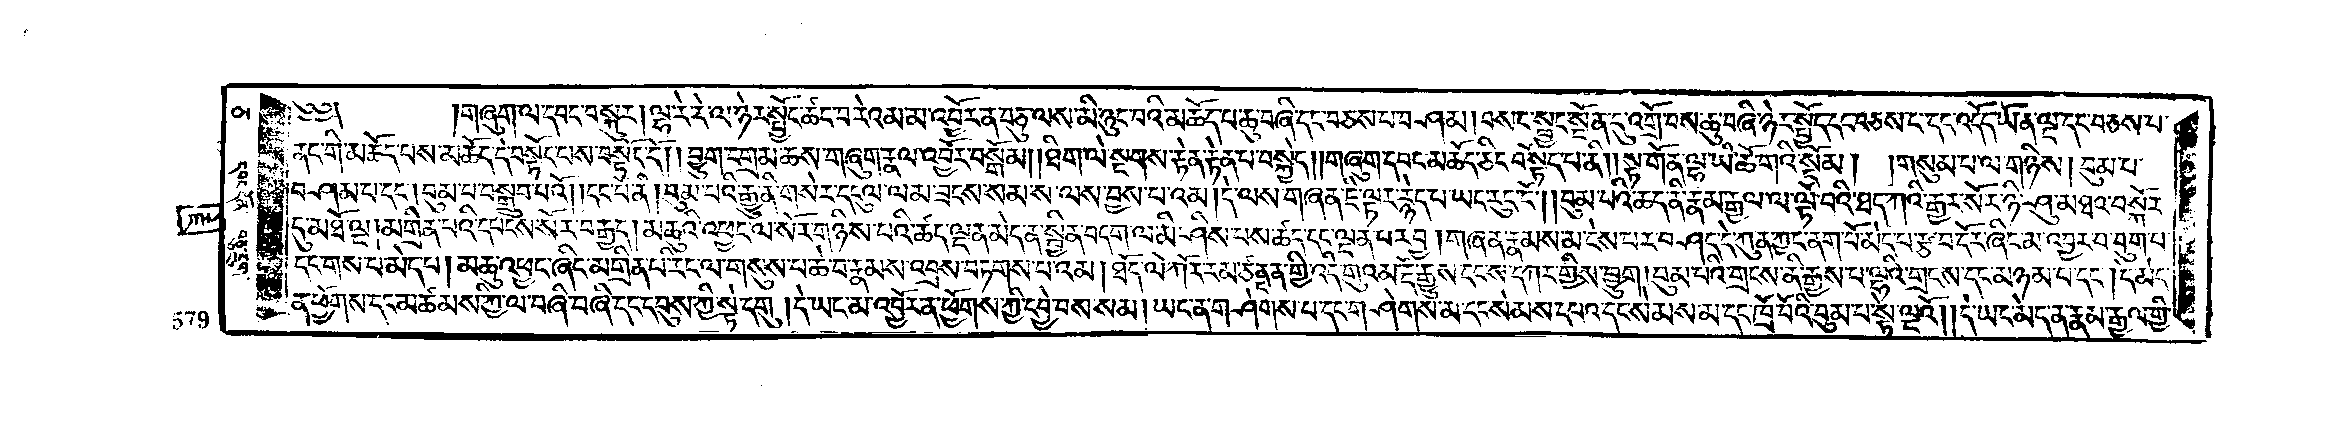༄༅། །གཞུག་ལ་དབང་བསྐུར། ལྷ་རེ་རེ་ལ་ཉེར་སྤྱོད་ཚང་བ་རེའམ་མ་འབྱོར་ན་བཅུ་ལས་མི་ཉུང་བའི་མཆོད་པ་ཆུ་བཞི་དང་བཅས་པ་བཤམ། བསང་སྦྱང་སྔོན་དུ་འགྲོ་བས་ཆུ་བཞི་ཉེར་སྤྱོད་དང་བཅས་པ་དང་འདོད་ཡོན་ལྔ་དང་བཅས་པ་
ནང་གི་མཆོད་པས་མཆོད་དེ་བསྟོད་པས་བསྟོད་དོ། །བྱུག་དགྲམ་ཆས་གཞུག་རྣལ་འབྱོར་བསྒོམ། །ཐིག་ལེ་སྔགས་རྟེན་རྟེན་པ་བསྐྱེད། །གཞུག་དབང་མཆོད་ཅིང་བསྟོད་པ་ནི། །སྟ་གོན་ལྷ་ཡི་ཆོ་གའི་སྡོམ། །གསུམ་པ་ལ་གཉིས། བུམ་པ་
བཤམ་པ་དང་། བུམ་པ་བསྒྲུབ་པའོ། །དང་པོ་ནི། བུམ་པའི་རྒྱུ་ནི་གསེར་དངུལ་ལམ་ཟངས་སམ་ས་ལས་བྱས་པ་འམ། དེ་ལས་གཞན་ཇི་ལྟར་རྙེད་པ་ཡང་རུང་ངོ། །བུམ་པའི་ཆད་ནི་རྣམ་རྒྱལ་ལ་ལྟོ་བའི་ཐད་ཀའི་རྒྱར་སོར་ཉི་ཤུ་མཐའ་བསྐོར་
དུ་མཐོ་ལྔ། མགྲིན་པའི་དཔངས་སོར་བརྒྱད། མཆུའི་འཕྱང་ལ་སོར་གཉིས་པའི་ཚད་ལྡན་མེད་ན་སྦྱིན་བདག་ལ་མི་ཤིས་པས་ཚད་དང་ལྡན་པར་བྱ། གཞན་རྣམས་མ་ངེས་པར་བཤད་དེ་ཀུན་ཀྱང་ནག་པོ་མེད་པ་རྩ་བ་དོར་ཞིང་མ་འབྱོར་བ་བུག་པ་
དང་གས་པ་མེད་པ། མཆུ་འཕྱང་ཞིང་མགྲིན་པ་རིང་ལ་གསུས་པ་ཆེ་བ་རྣམས་འབྲས་བཏགས་པ་འམ། ཐོད་ལེ་ཀོར་རམ་ཙནྡན་གྱི་འདེ་གུའམ་རྡོ་རྒྱུས་དང་ས་དཀར་གྱིས་བྱུག །བུམ་པའི་གྲངས་ནི་རྒྱས་པ་ལྷའི་གྲངས་དང་མཉམ་པ་དང་། དེ་མེད་
ན་ཕྱོགས་དང་མཚམས་ཀྱི་ལ་བཞི་བཞི་དང་དབུས་ཀྱི་སྟེ་དགུ །དེ་ཡང་མ་འབྱོར་ན་ཕྱོགས་ཀྱི་དབྱེ་བས་སམ། ཡང་ན་གཤེགས་པ་དང་གཤེགས་མ་དང་སེམས་དཔའ་དང་སེམས་མ་དང་ཁྲོ་བོའི་བུམ་པ་སྟེ་ལྔའོ། །དེ་ཡང་མེད་ན་རྣམ་རྒྱལ་གྱི་